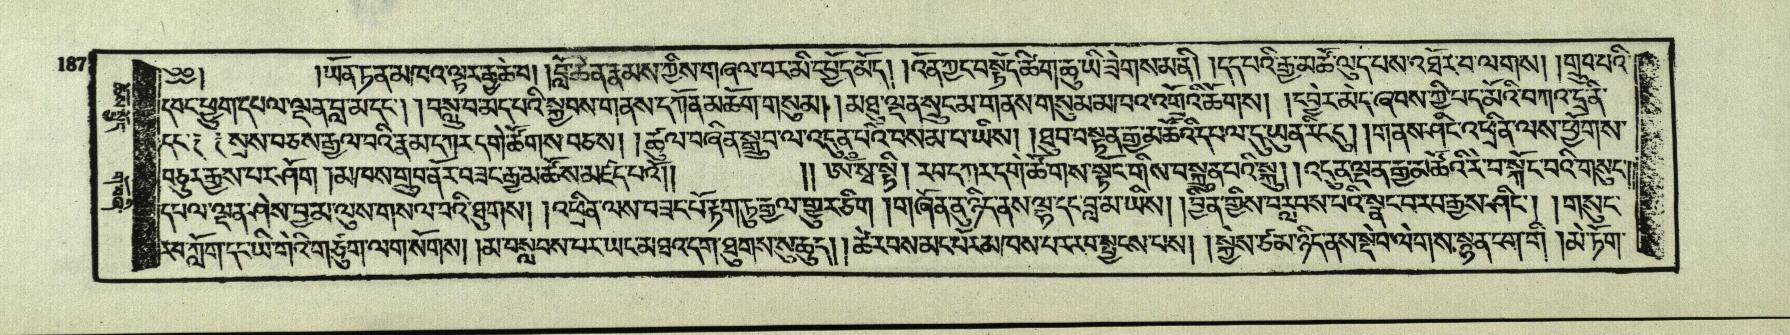༄༅། །ཡོན་ཏན་མཁའ་ལྟར་རྒྱ་ཆེ་བ། །བློ་ཆེན་རྣམས་ཀྱིས་གཞལ་བར་མི་དཔྱོད་མོད། །འོན་ཀྱང་བསྟོད་ཚིག་ཆུ་ཡི་ཟེགས་མ་ནི། །དད་པའི་རྒྱ་མཚོ་ལུད་པས་འཐོར་བ་ལགས། །གྲུབ་པའི་
དབང་ཕྱུག་དཔལ་ལྡན་བླ་མ་དང་། །བསླུ་བ་མད་པའི་སྐྱབས་གནས་དཀོན་མཆོག་གསུམ། །མཐུ་ལྡན་སྲུང་མ་གནས་གསུམ་མཁའ་འགྲོའི་ཆོགས། །དབྱེར་མེད་ཞབས་ཀྱི་པད་མོའི་བཀའ་དྲ་ནི་
དང༑ ༑སྲས་བཅས་རྒྱལ་བའི་རྣམ་དཀར་དགེ་ཚོགས་བཅས། །ཚུལ་བཞིན་སྒྲུབ་ལ་འདུན་པའི་བསམ་པ་ཡིས། །ཐུབ་བསྟན་རྒྱ་མཚོའི་དཔལ་དུ་ཡུན་རིང་དུ། །གནས་ཤིང་འཕྲིན་ལས་ཕྱོགས་
བཅུར་རྒྱས་པར་ཤོག །མཁས་གྲུབ་ནོར་བཟང་རྒྱ་མཚོས་མཛད་པའོ།། །།ཨོཾ་སྭ་སྟི། རབ་དཀར་དགེ་ཚོགས་སྟོང་གིས་བསྐྲུན་པའི་སྐུ། །འདུན་ལྡན་རྒྱ་མཚོའི་རེ་བ་སྐོང་བའི་གསུང།།
དཔལ་ལྡན་ཤེས་བྱ་མ་ལུས་གསལ་བའི་ཐུགས། །འཕྲིན་ལས་བཟང་པོ་རྟག་ཏུ་རྒྱལ་གྱུར་ཅིག །གཞོན་ནུ་ཉིད་ནས་ལྷ་དང་བླ་མ་ཡིས། །བྱིན་གྱིས་བརླབས་པའི་སྣང་བ་རབ་རྒྱས་ཤིང་། །གསུང་
རབ་ཀློག་དང་ཡི་གེའི་གཙུག་ལག་སོགས། །མ་བསླབས་པར་ཡང་མཐའ་དག་ཐུགས་སུ་ཆུད། །ཚེ་རབས་མང་པོར་མཁས་པར་རབ་སྤྱངས་པས། །སྐྱེས་ཙམ་ཉིད་ནས་སྡེབ་ལེགས་སྙན་ངག་གི །མེ་ཏོག་